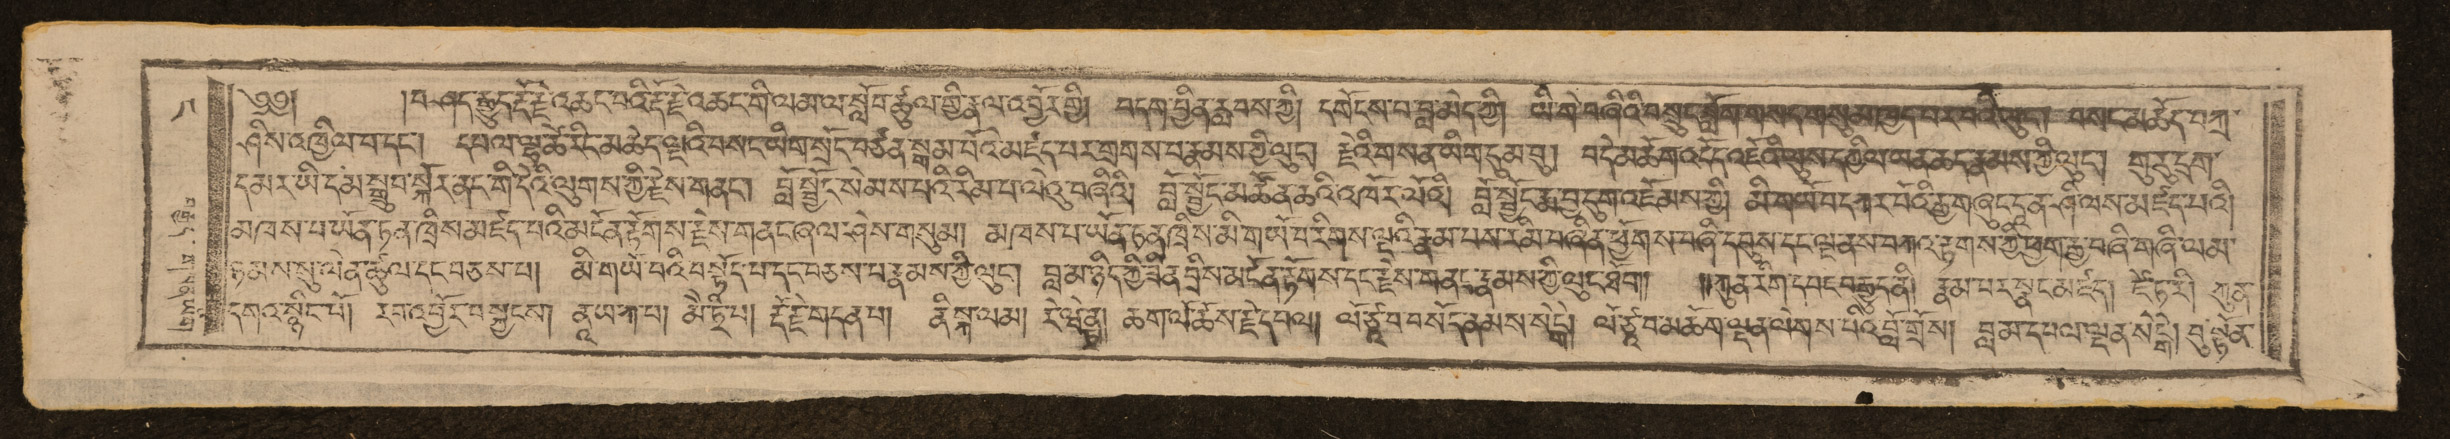༄༅། །བཤད་རྒྱུད་རྡོ་རྗེ་འཆང་བའི་རྡོ་རྗེ་འཆང་གི་ལམ་ལ་སློབ་ཚུལ་གྱི་རྣལ་འབྱོར་གྱི། བདག་བྱིན་རླབས་ཀྱི། དགོངས་བ་བླ་མེད་ཀྱི། ཡི་གེ་བཞིའི་བསྲུང་ཟློག་གསད་གསུམ་ཁྱད་པར་བའི་ལུང་། བསང་མཆོད་བཀྲ་
ཤིས་འཁྱིལ་པ་དང་། དཔལ་ལྷ་ཚེ་རིང་མཆེད་ལྔའི་བསང་ཡིག་སྲོང་བཙན་སྒམ་པོའི་མཛད་པར་གྲགས་པ་རྣམས་ཀྱི་ལུང་། རྗེའི་གསན་ཡིག་དུམ་བུ། བདེ་མཆོག་འདོད་འཇོའི་ལུས་དཀྱིལ་ཡན་ཆད་རྣམས་ཀྱི་ལུང་། གུ་རུ་དྲག་
དམར་ཡི་དམ་སྒྲུབ་སྐོར་ནང་གི་དེའི་ལུགས་ཀྱི་རྗེས་གནང་། བློ་སྦྱོང་སེམས་པའི་རིམ་པ་ལེའུ་བཞིའི། བློ་སྦྱོང་མཚོན་ཆའི་འཁོར་ལོའི། བློ་སྦྱོང་རྨ་བྱ་དྲུག་འཇོམས་ཀྱི། མི་གཡོ་པ་དཀར་པོའི་རྒྱ་གཞུང་དཱ་ན་ཤི་ལས་མཛད་པའི།
མཁས་པ་ཡོན་ཏན་ཁྲིས་མཛད་པའི་མངོན་རྟོགས་རྗེས་གནང་ཞལ་ཤེས་གསུམ། མཁས་པ་ཡོན་ཏན་ཁྲིས་མི་གཡོ་བ་རིགས་ལྔའི་རྣམ་པས་རིམ་བཞིན་ཕྱོགས་བཞི་དབུས་དང་ལྔ་ནས་བཀའ་རྟགས་ཀྱི་ཕྱག་རྒྱ་བཞི་གཞི་ལམ་
ཉམས་སུ་ལེན་ཚུལ་དང་བཅས་པ། མི་གཡོ་བའི་བསྟོད་པ་དང་བཅས་པ་རྣམས་ཀྱི་ལུང་། བླ་མ་ཉིད་ཀྱི་ཟིན་བྲིས་མངོན་རྟོགས་དང་རྗེས་གནད་རྣམས་ཀྱི་ལུང་ཐོབ།། །།ཀུན་རིག་དབང་བརྒྱུད་ནི། རྣམ་པར་སྣང་མཛད། ཛེ་ཏ་རི། ཀུན་
དགའ་སྙིང་པོ། རབ་འབྱོར་བསྐྱངས། ནཱ་ཡ་ཀ་པ། མཻ་ཏྲེ་པ། རྡོ་རྗེ་གདན་པ། ནི་སྐ་ལམ། རེ་ཝེ་ནྟྲ། ཆག་ལོ་ཆོས་རྗེ་དཔལ། ལོ་ཙཱ་བ་བསོད་ནམས་སེངྒེ། ལོ་ཙཱ་བ་མཆོག་ལྡན་ལེགས་པའི་བློ་གྲོས། བླ་མ་དཔལ་ལྡན་སེངྒེ། བུ་སྟོན་